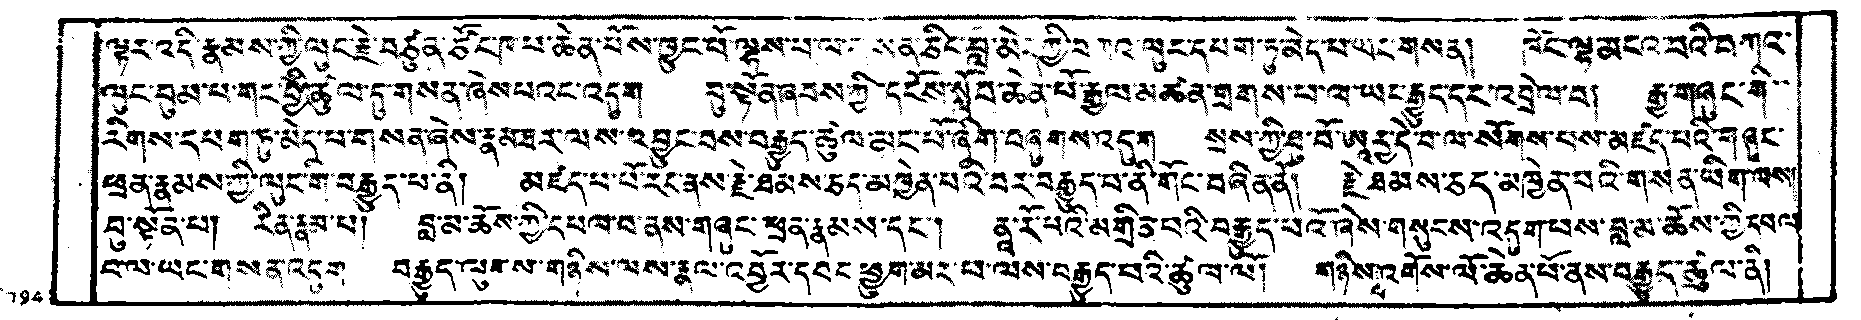ལྟར་འདི་རྣམས་ཀྱི་ལུང་རྗེ་བཙུན་ཙོང་ཁ་པ་ཆེན་པོས་ཁྱུང་པོ་ལྷས་པ་ལ་གསན་ཅིང་བླ་མེད་ཀྱི་བཀའ་ལུང་དཔག་ཏུ་མེད་པ་ཡང་གསན། ཁོང་ལྷ་མངའ་བའི་བཀའ་
ལུང་བུམ་པ་གང་བྱའི་ཚུལ་དུ་གསན་ཞེས་པའང་འདུག་བུ་སྟོན་ཞབས་ཀྱི་དངོས་སློབ་ཆེན་པོ་རྒྱལ་མཚན་གྲགས་པ་ལ་ཡང་རྒྱུད་དང་འབྲེལ་བ། རྒྱ་གཞུང་གི་
རིགས་དཔག་ཏུ་མེད་པ་གསན་ཞེས་རྣམ་ཐར་ལས་འབྱུང་བས་བརྒྱུད་ཚུལ་མང་པོ་ཞིག་བཞུགས་འདུག །སྲས་ཀྱི་ཐུ་བོ་ཨཱརྱ་དེ་བ་ལ་སོགས་པས་མཛད་པའི་གཞུང་
ཕྲན་རྣམས་ཀྱི་ལུང་གི་བརྒྱུད་པ་ནི། མཛད་པ་པོ་རང་ནས་རྗེ་ཐམས་ཅད་མཁྱེན་པའི་བར་བརྒྱུད་པ་ནི་གོང་བཞིན་ནོ། རྗེ་ཐམས་ཅད་མཁྱེན་པའི་གསན་ཡིག་ལས།
བུ་སྟོན་པ། རིན་རྣམ་པ། བླ་མ་ཆོས་ཀྱི་དཔལ་བ་ནས་གཞུང་ཕྲན་རྣམས་དང་། ནཱ་རོ་པའི་མགྲིན་པའི་བརྒྱུད་པའོ་ཞེས་གསུངས་འདུག་པས་བླ་མ་ཆོས་ཀྱི་དཔལ་
བ་ལ་ཡང་གསན་འདུག །བརྒྱུད་ལུགས་གཉིས་ལས་རྣལ་འབྱོར་དབང་ཕྱུག་མར་པ་ལས་བརྒྱུད་པའི་ཚུལ་ལོ། གཉིས་པ་འགོས་ལོ་ཆེན་པོ་ནས་བརྒྱུད་ཚུལ་ནི།